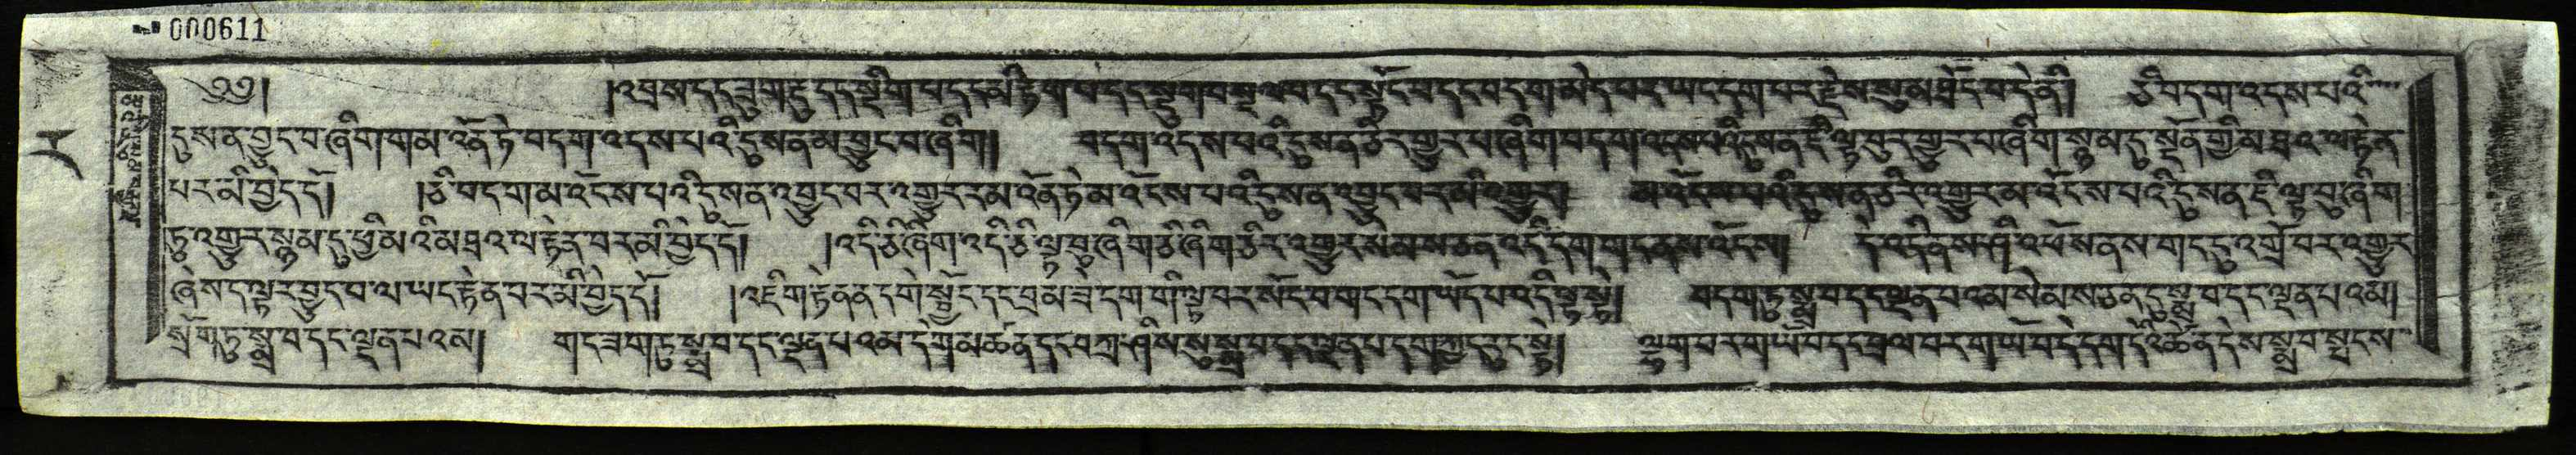༄༅། །འབྲས་དང་ཟུག་རྡུ་དང་སྡིག་པ་དང་མི་རྟག་པ་དང་སྡུག་བསྔལ་བ་དང་སྟོང་བ་དང་བདག་མེད་པར་ཡང་དག་པར་རྗེས་སུ་མཐོང་བ་དེ་ནི། ཅི་བདག་འདས་པའི་
དུས་ན་བྱུང་བ་ཞིག་གམ་འོན་ཏེ་བདག་འདས་པའི་དུས་ན་མ་བྱུང་བ་ཞིག། བདག་འདས་པའི་དུས་ན་ཅིར་གྱུར་པ་ཞིག་བདག་འདས་པའི་དུས་ན་ཇི་ལྟ་བུར་གྱུར་བ་ཞིག་སྙམ་དུ་སྔོན་གྱི་མཐའ་ལ་རྟེན་
པར་མི་བྱེད་དོ། །ཅི་བདག་མ་འོངས་པའི་དུས་ན་འབྱུང་བར་འགྱུར་རམ་འོན་ཏེ་མ་འོངས་པའི་དུས་ན་འབྱུང་བར་མི་འགྱུར། མ་འོངས་པའི་དུས་ན་ཅིར་འགྱུར་མ་འོངས་པའི་དུས་ན་ཇི་ལྟ་བུ་ཞིག་
ཏུ་འགྱུར་སྙམ་དུ་ཕྱི་མའི་མཐའ་ལ་རྟེན་བར་མི་བྱེད་དོ། །འདི་ཅི་ཞིག་འདི་ཅི་ལྟ་བུ་ཞིག་ཅི་ཞིག་ཅིར་འགྱུར་སེམས་ཅན་འདི་དག་གང་ནས་འོངས། དེ་འདི་ནས་ཤི་འཕོས་ནས་གང་དུ་འགྲོ་བར་འགྱུར་
ཞེས་ད་ལྟར་བྱུང་བ་ལ་ཡང་རྟེན་པར་མི་བྱེད་དོ། །འཇིག་རྟེན་ན་དགེ་སྦྱོང་དང་བྲམ་ཟེ་དག་གི་ལྟ་བར་སོང་བ་གང་དག་ཡོད་པ་འདི་ལྟ་སྟེ། བདག་ཏུ་སྨྲ་བ་དང་ལྡན་པའམ་སེམས་ཅན་དུ་སྨྲ་བ་དང་ལྡན་པའམ།
སྲོག་ཏུ་སྨྲ་བ་དང་ལྡན་པའམ། གང་ཟག་ཏུ་སྨྲ་བ་དང་ལྡན་པའམ་དགེ་མཚན་དང་བཀྲ་ཤིས་སུ་སྨྲ་བ་དང་ལྡན་པ་དག་ཀྱང་རུང་སྟེ། ལྷག་པར་གཡོ་བ་དང་བྲལ་བར་གཡོ་བ་དེ་དག་དེའི་ཚེ་ན་དེས་སྨྲ་བ་སྤངས་